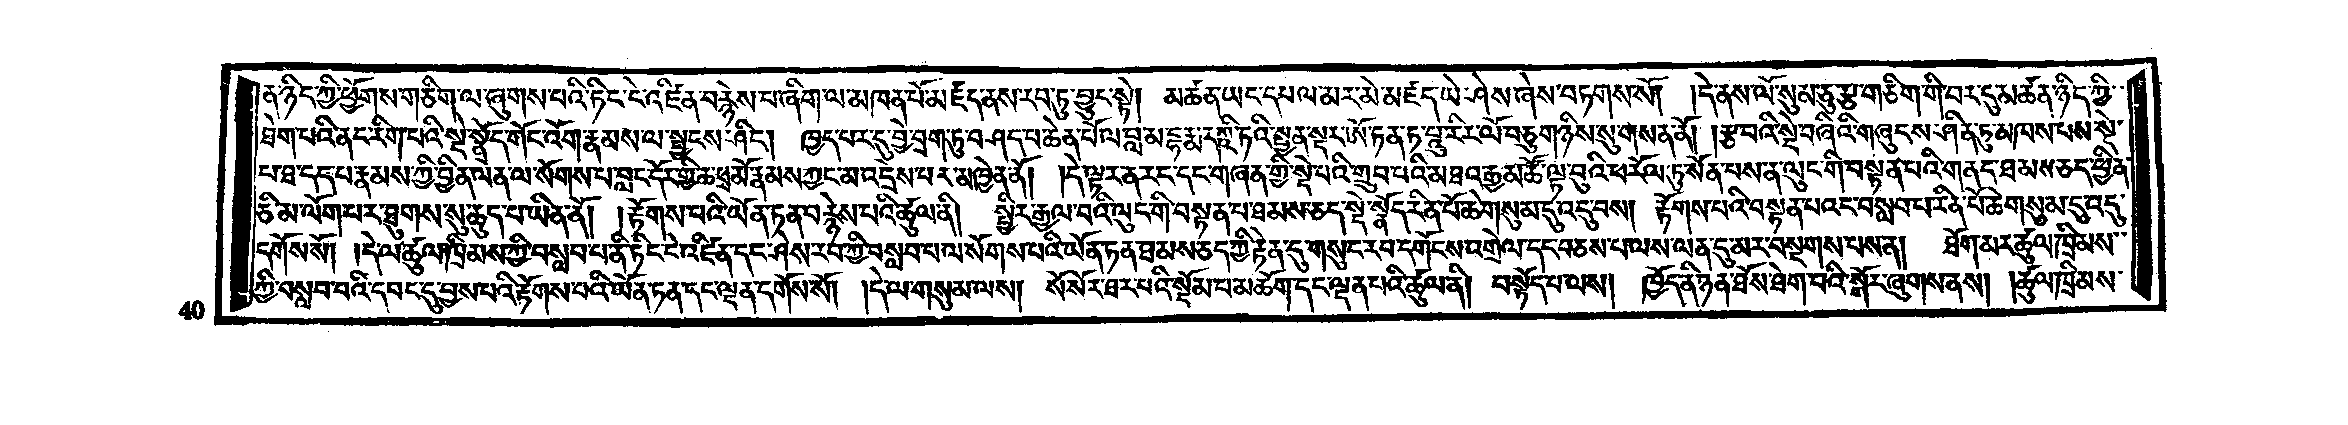ན་ཉིད་ཀྱི་ཕྱོགས་གཅིག་ལ་ཞུགས་པའི་ཏིང་ངེ་འཛིན་བརྙེས་པ་ཞིག་ལ་མཁན་པོ་མཛད་ནས་རབ་ཏུ་བྱུང་སྟེ། མཚན་ཡང་དཔལ་མར་མེ་མཛད་ཡེ་ཤེས་ཞེས་བཏགས་སོ། །དེ་ནས་ལོ་སུམ་ཅུ་རྩ་གཅིག་གི་བར་དུ་མཚན་ཉིད་ཀྱི་
ཐེག་པའི་ནང་རིག་པའི་སྡེ་སྣོད་གོང་འོག་རྣམས་ལ་སྦྱངས་ཤིང་། ཁྱད་པར་དུ་བྱེ་བྲག་ཏུ་བཤད་པ་ཆེན་པོ་ལ་བླ་མ་དྷརྨ་རཀྵི་ཏའི་སྤྱན་སྔར་ཨོ་ཏན་ཏ་པཱུ་རིར་ལོ་བཅུ་གཉིས་སུ་གསན་ནོ། །རྩ་བའི་སྡེ་བཞིའི་གཞུང་ལ་ཤིན་ཏུ་མཁས་པས་སྡེ་
པ་ཐ་དད་པ་རྣམས་ཀྱི་བྱིན་ལེན་ལ་སོགས་པ་བླང་དོར་གྱི་ཆ་ཕྲ་མོ་རྣམས་ཀྱང་མ་འདྲེས་པར་མཁྱེན་ནོ། །དེ་ལྟར་ན་རང་དང་གཞན་གྱི་སྡེ་པའི་གྲུབ་པའི་མཐའ་རྒྱ་མཚོ་ལྟ་བུའི་ཕ་རོལ་ཏུ་སོན་པས་ན་ལུང་གི་བསྟན་པའི་གནད་ཐམས་ཅད་ཕྱིན་
ཅི་མ་ལོག་པར་ཐུགས་སུ་ཆུད་པ་ཡིན་ནོ། །རྟོགས་པའི་ཡོན་ཏན་བརྙེས་པའི་ཚུལ་ནི། སྤྱིར་རྒྱལ་བའི་ལུང་གི་བསྟན་པ་ཐམས་ཅད་སྡེ་སྣོད་རིན་པོ་ཆེ་གསུམ་དུ་འདུ་བས། རྟོགས་པའི་བསྟན་པའང་བསླབ་པ་རིན་པོ་ཆེ་གསུམ་དུ་འདུ་
དགོས་སོ། །དེ་ལ་ཚུལ་ཁྲིམས་ཀྱི་བསླབ་པ་ནི་ཏིང་ངེ་འཛིན་དང་ཤེས་རབ་ཀྱི་བསླབ་པ་ལ་སོགས་པའི་ཡོན་ཏན་ཐམས་ཅད་ཀྱི་རྟེན་དུ་གསུང་རབ་དགོངས་འགྲེལ་དང་བཅས་པ་ལས་ལན་དུ་མར་བསྔགས་པས་ན། ཐོག་མར་ཚུལ་ཁྲིམས་
ཀྱི་བསླབ་པའི་དབང་དུ་བྱས་པའི་རྟོགས་པའི་ཡོན་ཏན་དང་ལྡན་དགོས་སོ། །དེ་ལ་གསུམ་ལས། སོ་སོར་ཐར་པའི་སྡོམ་པ་མཆོག་དང་ལྡན་པའི་ཚུལ་ནི། བསྟོད་པ་ལས། ཁྱོད་ནི་ཉན་ཐོས་ཐེག་པའི་སྒོར་ཞུགས་ནས། །ཚུལ་ཁྲིམས་